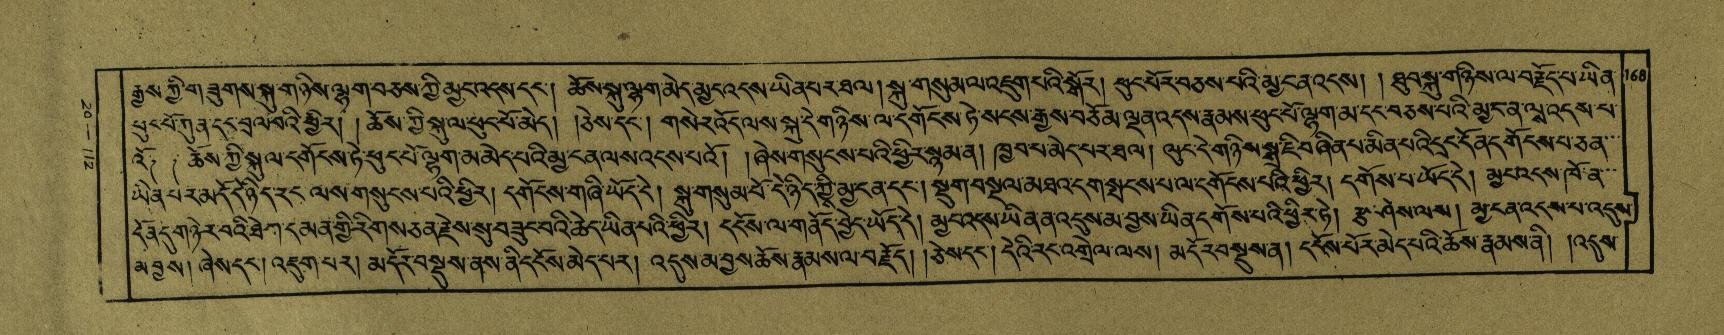རྒྱས་ཀྱི་གཟུགས་སྐུ་གཉིས་ལྷག་བཅས་ཀྱི་མྱང་འདས་དང་། ཆོས་སྐུ་ལྷག་མེད་མྱང་འདས་ཡིན་པར་ཐལ་།སྐུ་གསུམ་ལ་འཇུག་པའི་སྒོར། ཕུང་པོར་བཅས་པའི་མྱ་ངན་འདས། །ཐུབ་སྐུ་གཉིས་ལ་བརྗོད་པ་ཡིན་
ཕུང་པོ་ཀུན་དང་བྲལ་བའི་ཕྱིར། །ཆོས་ཀྱི་སྐུ་ལ་ཕུང་པོ་མེད། །ཅེས་དང་། གསེར་འོད་ལས་སྐུ་དེ་གཉིས་ལ་དགོངས་ཏེ་སངས་རྒྱས་བཅོམ་ལྡན་འདས་རྣམས་ཕུང་པོ་ལྷག་མ་དང་བཅས་པའི་མྱང་ན་ལས་འདས་པ་
འོ༑ ༑ཆོས་ཀྱི་སྐུ་ལ་དགོངས་ཏེ་ཕུང་པོ་ལྷག་མ་མེད་པའི་མྱ་ངན་ལས་འདས་པའོ། །ཞེས་གསུངས་པའི་ཕྱིར་སྙམ་ན། ཁྱབ་པ་མེད་པར་ཐལ། ལུང་དེ་གཉིས་སྒྲ་ཇི་བཞིན་པ་མིན་པའི་དྲང་དོན་དགོངས་པ་ཅན་
ཡིན་པར་མདོ་དེ་ཉིད་རང་ལས་གསུངས་པའི་ཕྱིར། དགོངས་གཞི་ཡོད་དེ། སྐུ་གསུམ་པོ་དེ་ཉིད་ཀྱིས་མྱ་ངན་དང་། སྡུག་བསྔལ་མཐའ་དག་སྤངས་པ་ལ་དགོངས་པའི་ཕྱིར། དགོས་པ་ཡོད་དེ། མྱང་འདས་ཁོ་ན་
དོན་དུ་གཉེར་བའི་ཐེག་དམན་གྱི་རིགས་ཅན་རྗེས་སུ་བཟུང་བའི་ཆེད་ཡིན་པའི་ཕྱིར། དངོས་ལ་གནོད་བྱེད་ཡོད་དེ། མྱང་འདས་ཡིན་ན་འདུས་མ་བྱས་ཡིན་དགོས་པའི་ཕྱིར་ཏེ། རྩ་ཤེས་ལས། མྱ་ངན་འདས་པ་འདུས་
མ་བྱས། ཞེས་དང་། འཇུག་པར། མདོར་བསྡུས་ནས་ནི་དངོས་མེད་པར། འདུས་མ་བྱས་ཆོས་རྣམས་ལ་བརྗོད། །ཅེས་དང་། དེའི་རང་འགྲེལ་ལས། མདོར་བསྡུས་ན། དངོས་པོར་མེད་པའི་ཆོས་རྣམས་ནི། །འདུས་